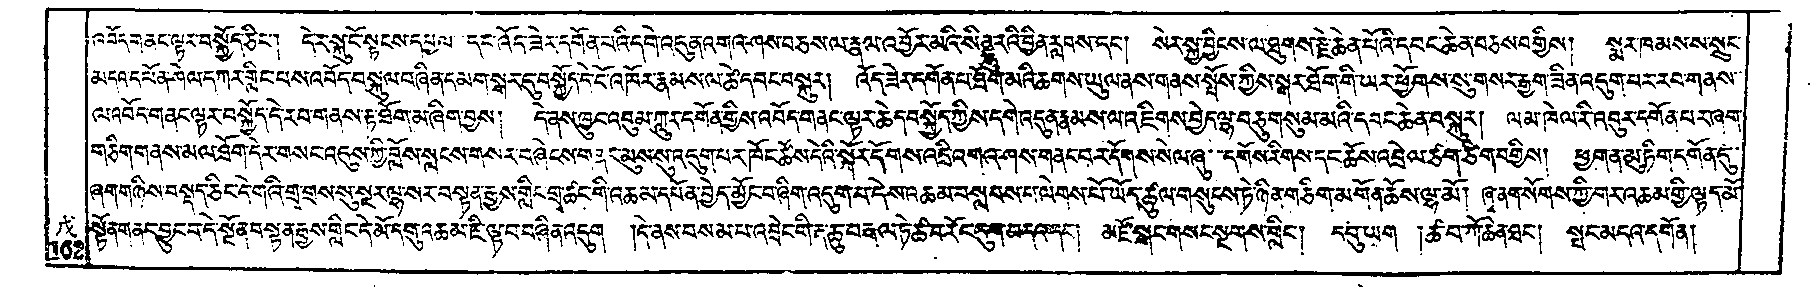འབོད་གནང་ལྟར་བསྐྱོད་ཅིང་། དེར་སྐུ་ངོ་སྟངས་དཔྱལ་དང་འོད་ཟེར་དགོན་པའི་དགེ་འདུན་འགའ་ཤས་བཅས་ལ་རྣལ་འབྱོར་མའི་སིནྡྷུ་རའི་བྱིན་རླབས་དང་། སེར་སྐྱ་བྱིངས་ལ་ཐུགས་རྗེ་ཆེན་པོའི་དབང་ཆེན་བཅས་བགྱིས། སྨར་ཁམས་ས་སྲུང་
མདའ་དཔོན་ཤེལ་དཀར་གླིང་པས་འབོད་བསྐུལ་བཞིན་དམག་སྒར་དུ་བསྐྱོད་དེ་ངོ་འཁོར་རྣམས་ལ་ཚེ་དབང་བསྐུར། འོད་ཟེར་དགོན་པ་ཐོག་མའི་ཆགས་ཡུལ་ནས་གནས་སྤོས་ཀྱིས་སྒར་ཐོག་གི་ཡར་ཕྱོགས་སུ་གསར་རྒྱག་ཟིན་འདུག་པར་རབ་གནས་
ལ་འབོད་གནང་ལྟར་བསྐྱོད་དེ་རབ་གནས་རྟ་ཐོག་མ་ཞིག་བྱས། དེ་ནས་ཁྱུང་འབུམ་ཀླུར་དགོན་གྱིས་འབོད་གནང་ལྟར་ཆེད་བསྐྱོད་ཀྱིས་དགེ་འདུན་རྣམས་ལ་འཇིགས་བྱེད་ལྷ་བཅུ་གསུམ་མའི་དབང་ཆེན་བསྐུར། ལམ་ཁེལ་རི་འབུར་དགོན་པར་ཞག་
གཅིག་གནས་མལ་ཐོག་དེར་གསང་འདུས་ཀྱི་བློས་སླངས་གསར་བཞེངས་གནང་མུས་སུ་འདུག་པར་ཁོང་ཚོས་དེའི་སྐོར་དོགས་འདྲི་འགའ་ཤས་གནང་བར་དོགས་སེལ་ཞུ་དགོས་རིགས་དང་ཆོས་འབྲེལ་ཙག་ཙིག་བགྱིས། ཕྱག་ན་མུ་ཏིག་དགོན་དུ་
ཞག་གཉིས་བསྡད་ཅིང་དེ་གའི་གྲྭ་གྲས་སུ་སྔར་ལྷ་སར་བསྟན་རྒྱས་གླིང་གྲྭ་ཚང་གི་འཆམ་དཔོན་བྱེད་མྱོང་བ་ཞིག་འདུག་པ་དེས་འཆམ་བསླབས་པ་ལེགས་པོ་ཡོད་ཚུལ་གསུངས་ཏེ་ཉིན་གཅིག་མགོན་ཆོས་ལྷ་མོ། ཞྭ་ནག་སོགས་ཀྱི་གར་འཆམ་གྱི་ལྟད་མོ་
སྟོན་གནང་བྱུང་བ་དེ་སྔོན་བསྟན་རྒྱས་གླིང་དེ་མོ་དགུ་འཆམ་ཇི་ལྟ་བ་བཞིན་འདུག །དེ་ནས་བསམ་པ་འབྲེང་གི་རྡ་ཆུ་བརྒལ་ཏེ་ཚ་བ་རོང་དུག་མདའ་དང་། མཛོ་སྒང་གསང་སྔགས་གླིང་། དབུ་ཡག །ཚ་བ་ཀོ་ཆེན་ཐང་། སྤང་མདའ་དགོན།